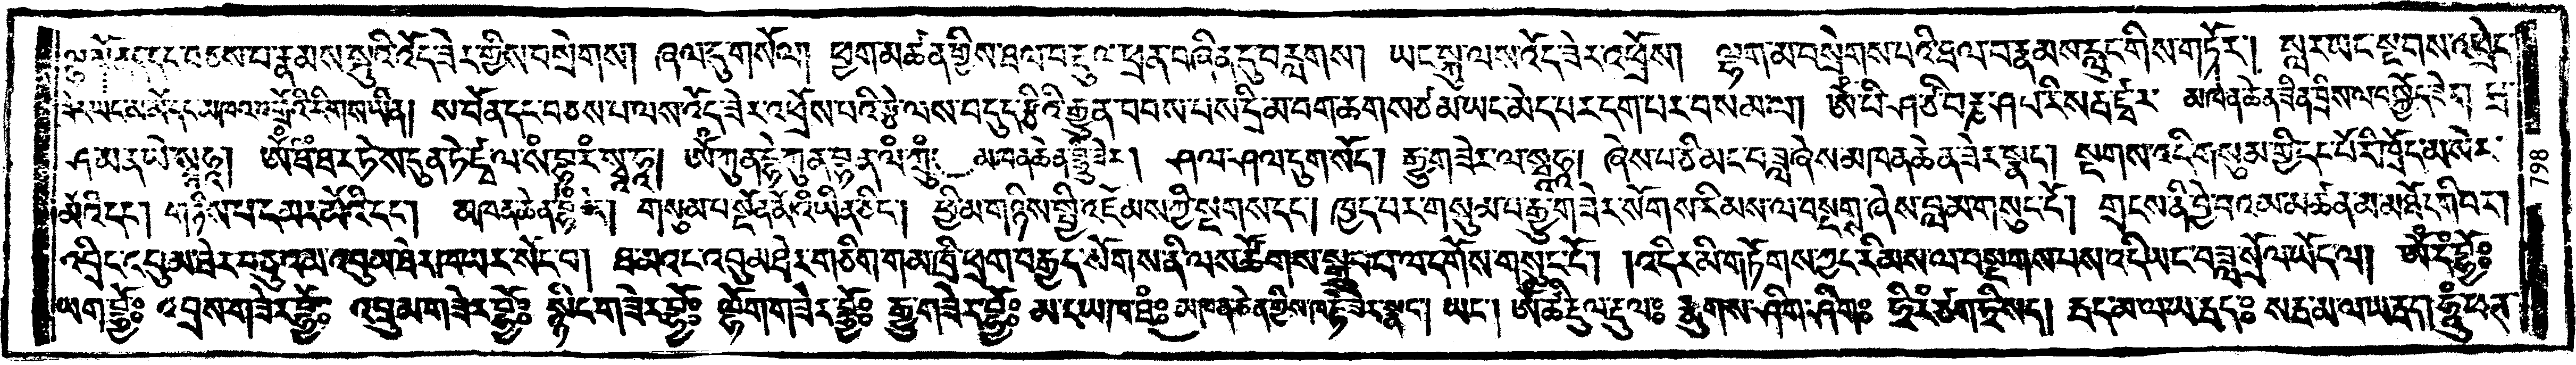ལྷ་མོ་ནད་དང་བཅས་པ་རྣམས་སྐུའི་འོད་ཟེར་གྱིས་བསྲེགས། ཞལ་དུ་གསོལ། ཕྱག་མཚན་གྱིས་ཐལ་བ་རྡུལ་ཕྲན་བཞིན་དུ་བརླགས། ཡང་སྐུ་ལས་འོད་ཟེར་འཕྲོས། ལྷག་མ་བསྲེགས་པའི་ཐལ་བ་རྣམས་རླུང་གིས་གཏོར། སླར་ཡང་སྔགས་འཕྲེག་
ཟར་ཡང་མ་མོ་དང་མཁའ་འགྲོའི་རིགས་ཡིན། ས་བོན་དང་བཅས་པ་ལས་འོད་ཟེར་འཕྲོས་པའི་རྩེ་ལས་བདུད་རྩའི་རྒྱུན་བབས་པས་དྲི་མ་བག་ཆགས་ཙམ་ཡང་མེད་པར་དག་པར་བསམ་ལ། ཨོཾ་ཕི་ཤ་ཙི་བརྞ་ཤ་པ་རི་སརྦ་ཛྭ་ར་མཁན་ཆེན་ཟིན་བྲིས་ལ་བསྐྱེད་བར། པྲ་
ཤ་མན་ཡེ་སྭཱཧཱ། ཨོཾ་ཝཾ་ཐར་ཏེ་ས་དུན་ཏེ་ཛྭ་ལ་སཾ་བྷ་རཾ་སྭཱཧཱ། ཨོཾ་ཀུན་བྷེ་ཀུན་བྷན་ལཾ་གྲུཾ་མཁན་ཆེན་བྷཱི་ཟེར། ཤལ་ཤལ་དུག་སོད། རྒྱུ་གཟེར་ལ་སྭཱཧཱ། ཞེས་པ་ཅི་མང་བཟླ་ཞེས་མཁན་ཆེན་ཟེར་སྣང་། སྔགས་འདི་གསུམ་གྱི་དང་པོ་རི་ཁྲོད་མ་སེར་
མོའི་དང་། གཉིས་པ་དམར་མོའི་དང་། མཁན་ཆེན་བྷཾ་ཆེན། གསུམ་པ་སྔོན་མོའི་ཡིན་ཅིང་ཕྱི་མ་གཉིས་སྤྱི་འཛོམ་ཀྱི་སྔགས་དང་། ཁྱད་པར་གསུམ་པ་རྒྱུ་གཟེར་སོགས་རིམས་ལ་བསྔགས་ཞེས་བླ་མ་གསུང་ངོ། གྲངས་ནི་བྱེ་པའམ་མཚན་མ་མཐོང་གི་བ???
འབྲིང་འབུམ་ཐེར་བཅུ་འམ་འབུམ་ཐེར་ཁ་ཡར་ཡོད་བ། ཐ་མའང་འབུམ་ཐེར་གཅིག་གམ་ཁྲི་ཕག་བརྒྱད་སོགས་ནི་ལས་ཚོགས་སྒྲུབ་པ་ལ་དགོས་གསུང་ངོ། །འདིར་མི་གཏོས་ཀྱང་རིགས་པ་བསྔགས་པས་འདི་ཡང་བཟླ་སྲོལ་ཡོད་ལ། ཨོཾ་དཾ་བྷྱོཿ
ཡག་བྷྱོཿ འབྲས་གཟེར་བྷྱོཿ འདྲུམ་གཟེར་བྷྱོཿ སྙིང་གཟེར་བྷྱོཿ རྟོགས་གཟེར་བྷྱོཿ རྒྱུ་གཟེར་བྷྱོཿ མར་ཡ་ཁ་ཐཾ་གདན་ཆེན་གྱིས་ཁ་རྷཾ་ཟེར་སྣང་། ཡང་། ཨོཾ་ཚི་རྡུལ་རྡུལཿ རྨུགས་ཤིག་ཤིགཿ ཧྲི་རམ་ཙག་ཏྲི་སད། རྦད་མ་ལ་ཡ་རྦདཿ སརྦ་མ་ལ་ཡ་རྦད། ཧཱུཾ་ཕཊ་